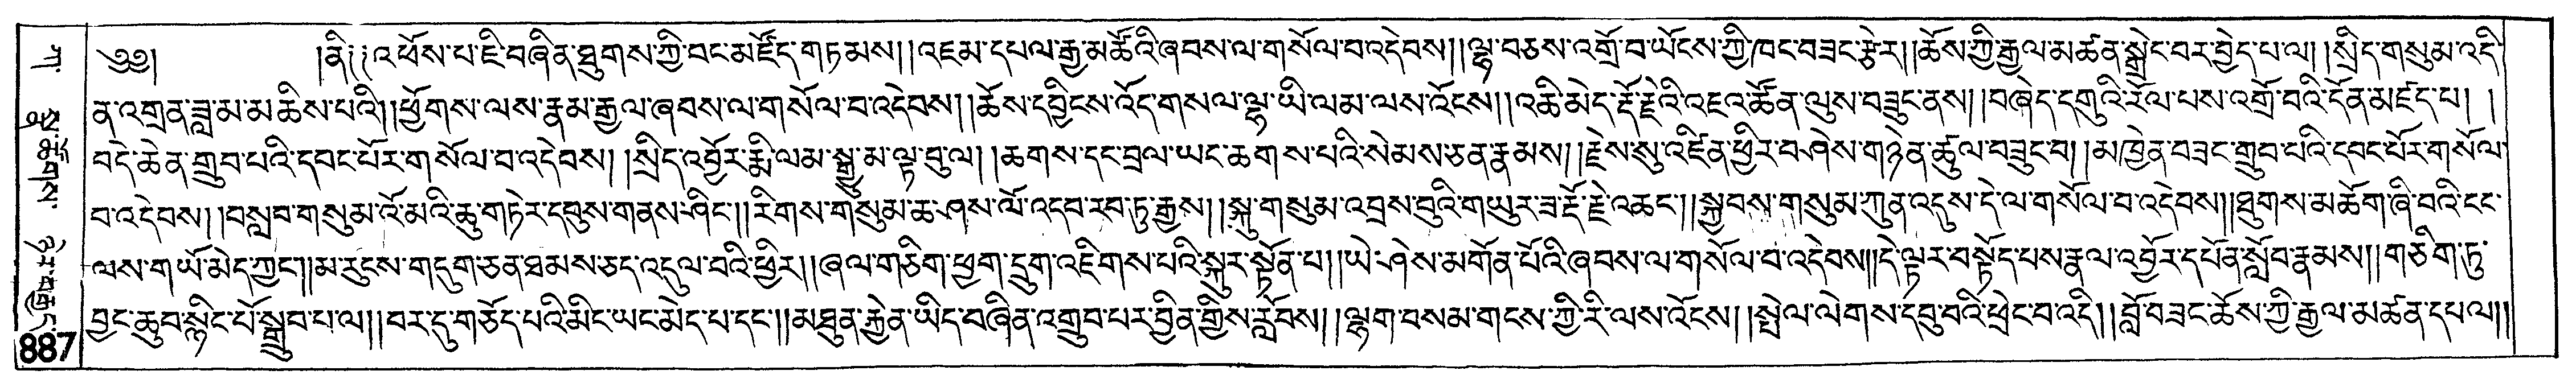༄༅། །ནི། །འཕོས་པ་ཇི་བཞིན་ཐུགས་ཀྱི་བང་མཛོད་གཏམས། །འཇམ་དཔལ་རྒྱ་མཚོའི་ཞབས་ལ་གསོལ་བ་འདེབས། །ལྷ་བཅས་འགྲོ་བ་ཡོངས་ཀྱི་ཁང་བཟང་རྩེར། །ཆོས་ཀྱི་རྒྱལ་མཚན་སྒྲེང་བར་བྱེད་པ་ལ། །སྲིད་གསུམ་འདི་
ན་འགྲན་ཟླ་མ་མཆིས་པའི། །ཕྱོགས་ལས་རྣམ་རྒྱལ་ཞབས་ལ་གསོལ་བ་འདེབས། །ཆོས་དབྱིངས་འོད་གསལ་ལྷ་ཡི་ལམ་ལས་འོངས། །འཆི་མེད་རྡོ་རྗེའི་འཇའ་ཚོན་ལུས་བཟུང་ནས། །བཞེད་དགུའི་རོལ་པས་འགྲོ་བའི་དོན་མཛད་པ། །
བདེ་ཆེན་གྲུབ་པའི་དབང་པོར་གསོལ་བ་འདེབས། །སྲིད་འབྱོར་རྨི་ལམ་སྒྱུ་མ་ལྟ་བུ་ལ། །ཆགས་དང་བྲལ་ཡང་ཆགས་པའི་སེམས་ཅན་རྣམས། །རྗེས་སུ་འཛིན་ཕྱིར་བཤེས་གཉེན་ཚུལ་བཟུང་བ། །མཁྱེན་བཟང་གྲུབ་པའི་དབང་པོར་གསོལ་
བ་འདེབས། །བསླབ་གསུམ་འོ་མའི་ཆུ་གཏེར་དབུས་གནས་ཤིང་། །རིགས་གསུམ་ཆ་ཤས་ལོ་འདབ་རབ་ཏུ་རྒྱས། །སྐུ་གསུམ་འབྲས་བུའི་གཡུར་ཟ་རྡོ་རྗེ་འཆང་། །སྐྱབས་གསུམ་ཀུན་འདུས་དེ་ལ་གསོལ་བ་འདེབས། །ཐུགས་མཆོག་ཞི་བའི་ངང་
ལས་གཡོ་མེད་ཀྱང་། །མ་རུངས་གདུག་ཅན་ཐམས་ཅད་འདུལ་བའི་ཕྱིར། །ཞལ་གཅིག་ཕྱག་དྲུག་འཇིགས་པའི་སྐུར་སྟོན་པ། །ཡེ་ཤེས་མགོན་པོའི་ཞབས་ལ་གསོལ་བ་འདེབས། །དེ་ལྟར་བསྟོད་པས་རྣལ་འབྱོར་དཔོན་སློབ་རྣམས། །གཅིག་ཏུ་
བྱང་ཆུབ་སྙིང་པོ་སྒྲུབ་པ་ལ། །བར་དུ་གཅོད་པའི་མིང་ཡང་མེད་པ་དང་། །མཐུན་རྐྱེན་ཡིད་བཞིན་འགྲུབ་པར་བྱིན་གྱིས་རློབས། །ལྷག་བསམ་གངས་ཀྱི་རི་ལས་འོངས། །སྤེལ་ལེགས་དབུ་བའི་ཕྲེང་བ་འདི། །བློ་བཟང་ཆོས་ཀྱི་རྒྱལ་མཚན་དཔལ། །